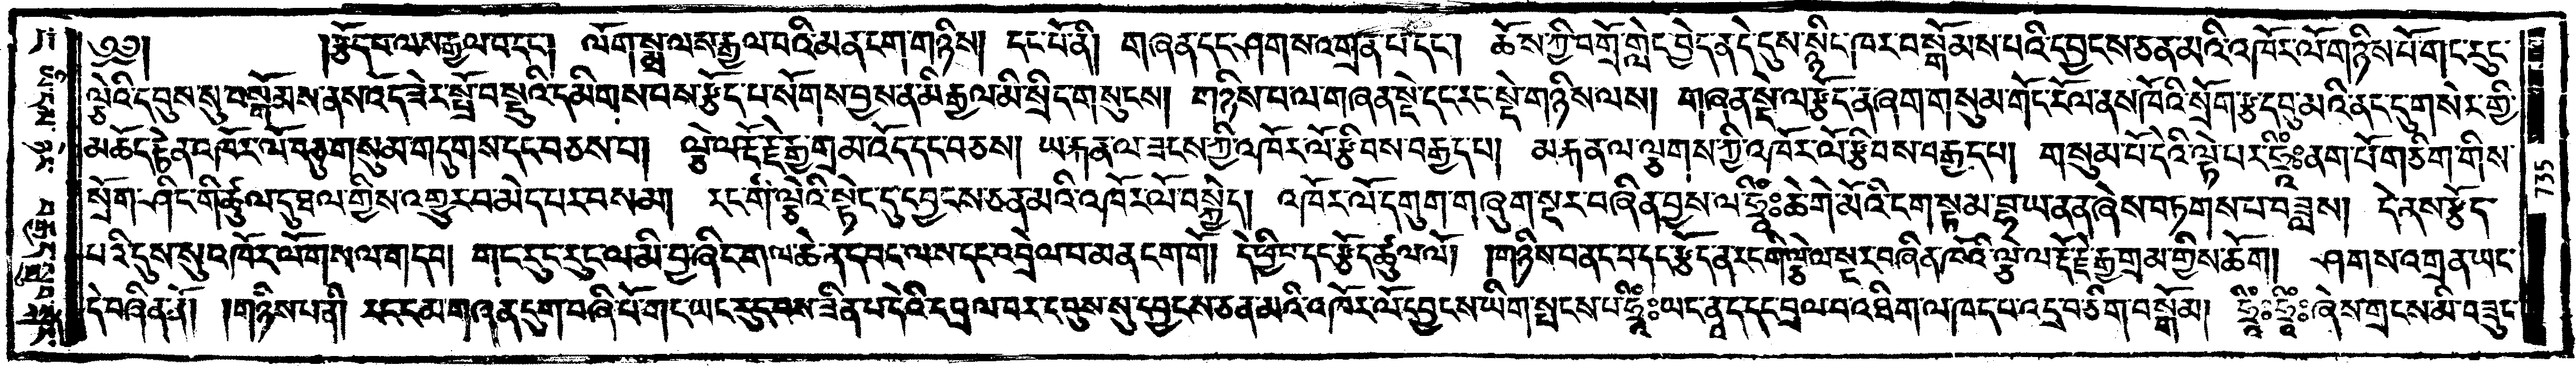༄༅། །རྩོད་བ་ལས་རྒྱལ་བ་དང་། ལོག་སྨྲ་ལས་རྒྱལ་བའི་མན་ངག་གཉིས། དང་པོ་ནི། གཞན་དང་ཤགས་འགྲན་པ་དང་། ཆོས་ཀྱི་བགྲོ་གླེང་བྱེད་ན་དེ་དུས་སྙིང་ཁར་བསྒོམས་པའི་དབྱངས་ཅན་མའི་འཁོར་ལོ་གཉིས་པོ་གང་རུང་
ལྕེའི་དབུས་སུ་བསྒོམས་ནས་འོད་ཟེར་སྤྲོ་བསྡུའི་དམིགས་པས་རྩོད་པ་སོགས་བྱས་ན་མི་རྒྱལ་མི་སྲིད་གསུངས། གཉིས་པ་ལ་གཞན་སྡེ་དང་རང་སྡེ་གཉིས་ལས། གཞན་སྡེ་ལ་རྩོད་ན་ཞག་གསུམ་གོང་རོལ་ནས་ཁོའི་སྲོག་རྩ་དབུ་མའི་ནང་དུ་གསེར་གྱི་
མཆོད་རྟེན་འཁོར་ལོ་བཅུ་གསུམ་གདུགས་དང་བཅས་པ། ལྕེ་ལ་རྡོ་རྗེ་གྲམ་འོད་དང་བཅས། ཡ་རྐན་ལ་ཟངས་ཀྱི་འཁོར་ལོ་རྩིབས་བརྒྱད་པ། མ་རྐན་ལ་ལྕགས་ཀྱི་འཁོར་ལོ་རྩིབས་བརྒྱད་པ། གསུམ་པོ་དེའི་ལྟེ་བར་ཧྲཱིཿ ནག་པོ་གཅིག་གིས་
སྲོག་ཤིང་གི་ཚུལ་དུ་ཐལ་གྱིས་འགྱུར་བ་མེད་པར་བསམ། རང་གི་ལྕེའི་སྟེང་དུ་དབྱངས་ཅན་མའི་འཁོར་ལོ་བསྐྱེད། འཁོར་ལོ་དགུག་གཞུག་སྔར་བཞིན་བྱས་ལ་ཧྲཱིཾཿ ཆེ་གེ་མོའི་ངག་སྟམ་བྷ་ཡ་ནན་ཞེས་བཏགས་པ་བཟླས། དེ་ནས་རྩོད་
པའི་དུས་སུ་འཁོར་ལོ་གསལ་གདབ། གང་རུང་རུང་ལ་མི་བྱ་ཞིང་གལ་ཆེན་དབང་ལས་དང་འབྲེལ་པ་མན་ངག་གོ། དེ་ཕྱི་བ་དང་རྩོད་ཚུལ་ལོ། །གཉིས་པ་ནང་བ་དང་རྩོད་ན་རང་གི་ལྕེ་ལ་སྔར་བཞིན་ཁོའི་ལྕེ་ལ་རྡོ་རྗེ་རྒྱ་གྲམ་གྱིས་ཆོག། ཤགས་འགྲན་ཡང་
དེ་བཞིན་ནོ། །གཉིས་པ་ནི། རང་ངམ་གཞན་དུག་བཞི་པོ་གང་ཡང་རུང་བས་ཟིན་པ་དེའི་དབྲལ་བར་དབུས་སུ་དབྱངས་ཅན་མའི་འཁོར་ལོ་དབྱངས་ཡིག་སྤངས་པ་ཧྲཱིཾཿ ཡང་ནཱ་ད་དང་བྲལ་བ་འཐིག་ལ་ཁད་པ་འདྲ་བ་ཅིག་བསྒོམ། ཧྲཱིཾཿ ཧྲཱིཾཿ ཞེས་གྲངས་མི་བཟུང་